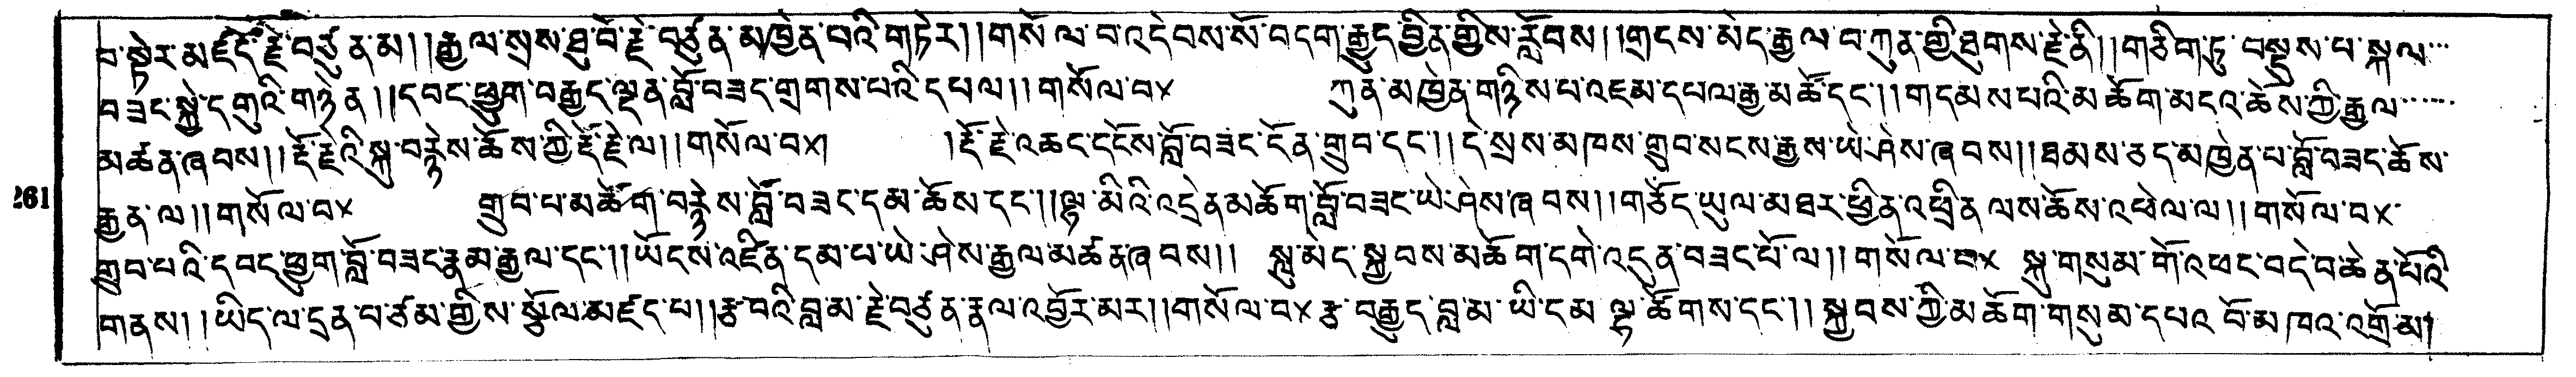བ་སྟེར་མཛོད་རྡོ་རྗེ་བཙུན་མ། །རྒྱལ་སྲས་ཐུ་བོ་རྗེ་བཙུན་མཁྱེན་པའི་གཏེར། །གསོལ་བ་འདེབས་སོ་བདག་རྒྱུད་བྱིན་གྱིས་རློབས། །གྲངས་མེད་རྒྱལ་བ་ཀུན་གྱི་ཐུགས་རྗེ་ནི། །གཅིག་ཏུ་བསྡུས་པ་སྐལ་
བཟང་སྐྱེ་དགུའི་གཉེན། །དབང་ཕྱུག་བརྒྱད་ལྡན་བློ་བཟང་གྲགས་པའི་དཔལ། །གསོལ་བ་྾། ཀུན་མཁྱེན་གཉིས་པ་འཇམ་དཔལ་རྒྱ་མཚོ་དང་། །གདམས་པའི་མཆོག་མདའ་ཆོས་ཀྱི་རྒྱལ་
མཚན་ཞབས། །རྡོ་རྗེའི་སྐུ་བརྙེས་ཆོས་ཀྱི་རྡོ་རྗེ་ལ། །གསོལ་བ་྾། །རྡོ་རྗེ་འཆང་དངོས་བློ་བཟང་དོན་གྲུབ་དང་། །དེ་སྲས་མཁས་གྲུབ་སངས་རྒྱས་ཡེ་ཤེས་ཞབས། །ཐམས་ཅད་མཁྱེན་པ་བློ་བཟང་ཆོས་
རྒྱན་ལ། །གསོལ་བ་྾་གྲུབ་པ་མཆོག་བརྙེས་བློ་བཟང་དམ་ཆོས་དང་། །ལྷ་མིའི་འདྲེན་མཆོག་བློ་བཟང་ཡེ་ཤེས་ཞབས། །གཅོད་ཡུལ་མཐར་ཕྱིན་འཕྲིན་ལས་ཆོས་འཕེལ་ལ། །གསོལ་བ་྾་
གྲུབ་པའི་དབང་ཕྱུག་བློ་བཟང་རྣམ་རྒྱལ་དང་། །ཡོངས་འཛིན་དམ་པ་ཡེ་ཤེས་རྒྱལ་མཚན་ཞབས། །སླུ་མེད་སྐྱབས་མཆོག་དགེ་འདུན་བཟང་པོ་ལ། །གསོལ་བ་྾་སྐུ་གསུམ་གོ་འཕང་བདེ་བ་ཆེན་པོའི་
གནས། །ཡིད་ལ་དྲན་པ་ཙམ་གྱིས་སྩོལ་མཛད་པ། །རྩ་བའི་བླ་མ་རྗེ་བཙུན་རྣལ་འབྱོར་མར། །གསོལ་བ་྾་རྩ་བརྒྱུད་བླ་མ་ཡི་དམ་ལྷ་ཚོགས་དང་། །སྐྱབས་ཀྱི་མཆོག་གསུམ་དཔའ་བོ་མཁའ་གྲོ་མ།